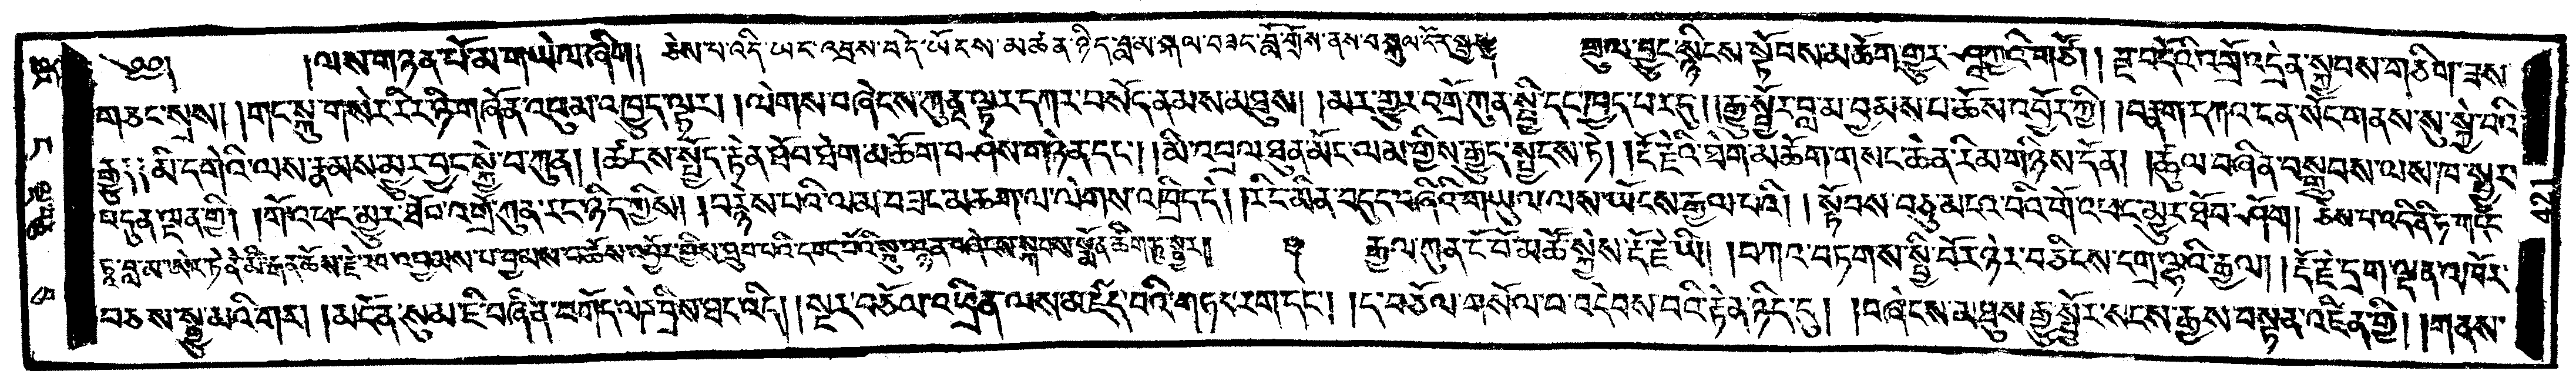༄༅། །ལས་གཉན་པོ་མ་གཡེལ་ཞིག །ཅེས་པ་འདི་ཡང་འབྲས་བདེ་ཡོངས་མཚན་ཉིད་བླ་མ་སྐལ་བཟང་བློ་གྲོས་ནས་བསྐུལ་ངོར་སྦྱར༈ གྲུལ་བྱུང་སྙིངས་སྟོབས་མཆོག་གྱུར་ཤཱཀྱའི་གཙོ། །ལྔ་བདོའི་འགྲོ་འདྲེན་སྐྱབས་གཅིག་ཟས་
གཙང་སྲས། །གང་སྐུ་གསེར་རིར་ཉི་གཞོན་འབུམ་འཁྱུད་ལྟར། །ལེགས་བཞེངས་ཀུནྡ་ལྟར་དཀར་བསོད་ནམས་མཐུས། །མར་གྱུར་འགྲོ་ཀུན་སྤྱི་དང་ཁྱད་པར་དུ། །རྒྱུ་སྦྱོར་བླ་མ་བྱམས་པ་ཆོས་འབྱོར་ཀྱི། །བརྣག་དཀའ་ངན་སོང་གནས་སུ་སྐྱེ་བའི་
རྒྱུ། །མི་དགེའི་ལས་རྣམས་མྱུར་བྱང་སྐྱེ་བ་ཀུན། །ཚངས་སྤྱོད་རྟེན་ཐོབ་ཐེག་མཆོག་བཤེས་གཉེན་དང་། །མི་འབྲལ་ཐུན་མོང་ལམ་གྱིས་རྒྱུད་སྦྱངས་ཏེ། །རྡོ་རྗེའི་ཐེག་མཆོག་གསང་ཆེན་རིམ་གཉིས་དོན། །ཚུལ་བཞིན་བསྒྲུབས་ལས་ཁ་སྦྱར་
བདུན་ལྡན་གྱི། །གོ་འཕང་མྱུར་ཐོབ་འགྲོ་ཀུན་རང་ཉིད་ཀྱིས། །བརྙེས་པའི་ལམ་བཟང་མཆོག་ལ་ལེགས་འཁྲིད་དེ། །རིང་མིན་བདུད་བཞིའི་གཡུལ་ལས་ཡོངས་རྒྱལ་བའི། །སྟོབས་བཅུ་མངའ་བའི་གོ་འཕང་མྱུར་ཐོབ་ཤོག །ཅེས་པ་འདི་ནི་ཧ་གདོང་
ཏཱ་བླ་མ་ཨེར་ཏེ་ནེ་མི་རྒན་ཆོས་རྗེ་རབ་འབྱམས་པ་བྱམས་པ་ཆོས་འབྱོར་གྱིས་ཐུབ་པའི་དབང་པོའི་སྐུ་བརྙན་བཞེངས་སྐབས་སྨོན་ཚིག་ཏུ་སྦྱར།། ༈ རྒྱལ་ཀུན་ངོ་བོ་མཚོ་སྐྱེས་རྡོ་རྗེ་ཡི། །བཀའ་བཏགས་སྤྱི་བོར་ཉེར་བཅིངས་དགྲ་ལྷའི་རྒྱལ། །རྡོ་རྗེ་དྲག་ལྡན་འཁོར་
བཅས་སྒྱུ་མའི་གར། །མངོན་སུམ་ཇི་བཞིན་བགོད་ལེགས་བྲིས་ཐང་འདི། །སྔར་བཅོལ་འཕྲིན་ལས་མཛད་བའི་གཏང་རག་དང་། །ད་བཅོལ་གསོལ་བ་འདེབས་བའི་རྟེན་ཉིད་དུ། །བཞེངས་མཐུས་རྒྱུ་སྦྱོར་སངས་རྒྱས་བསྟན་འཛིན་གྱི། །གནས་